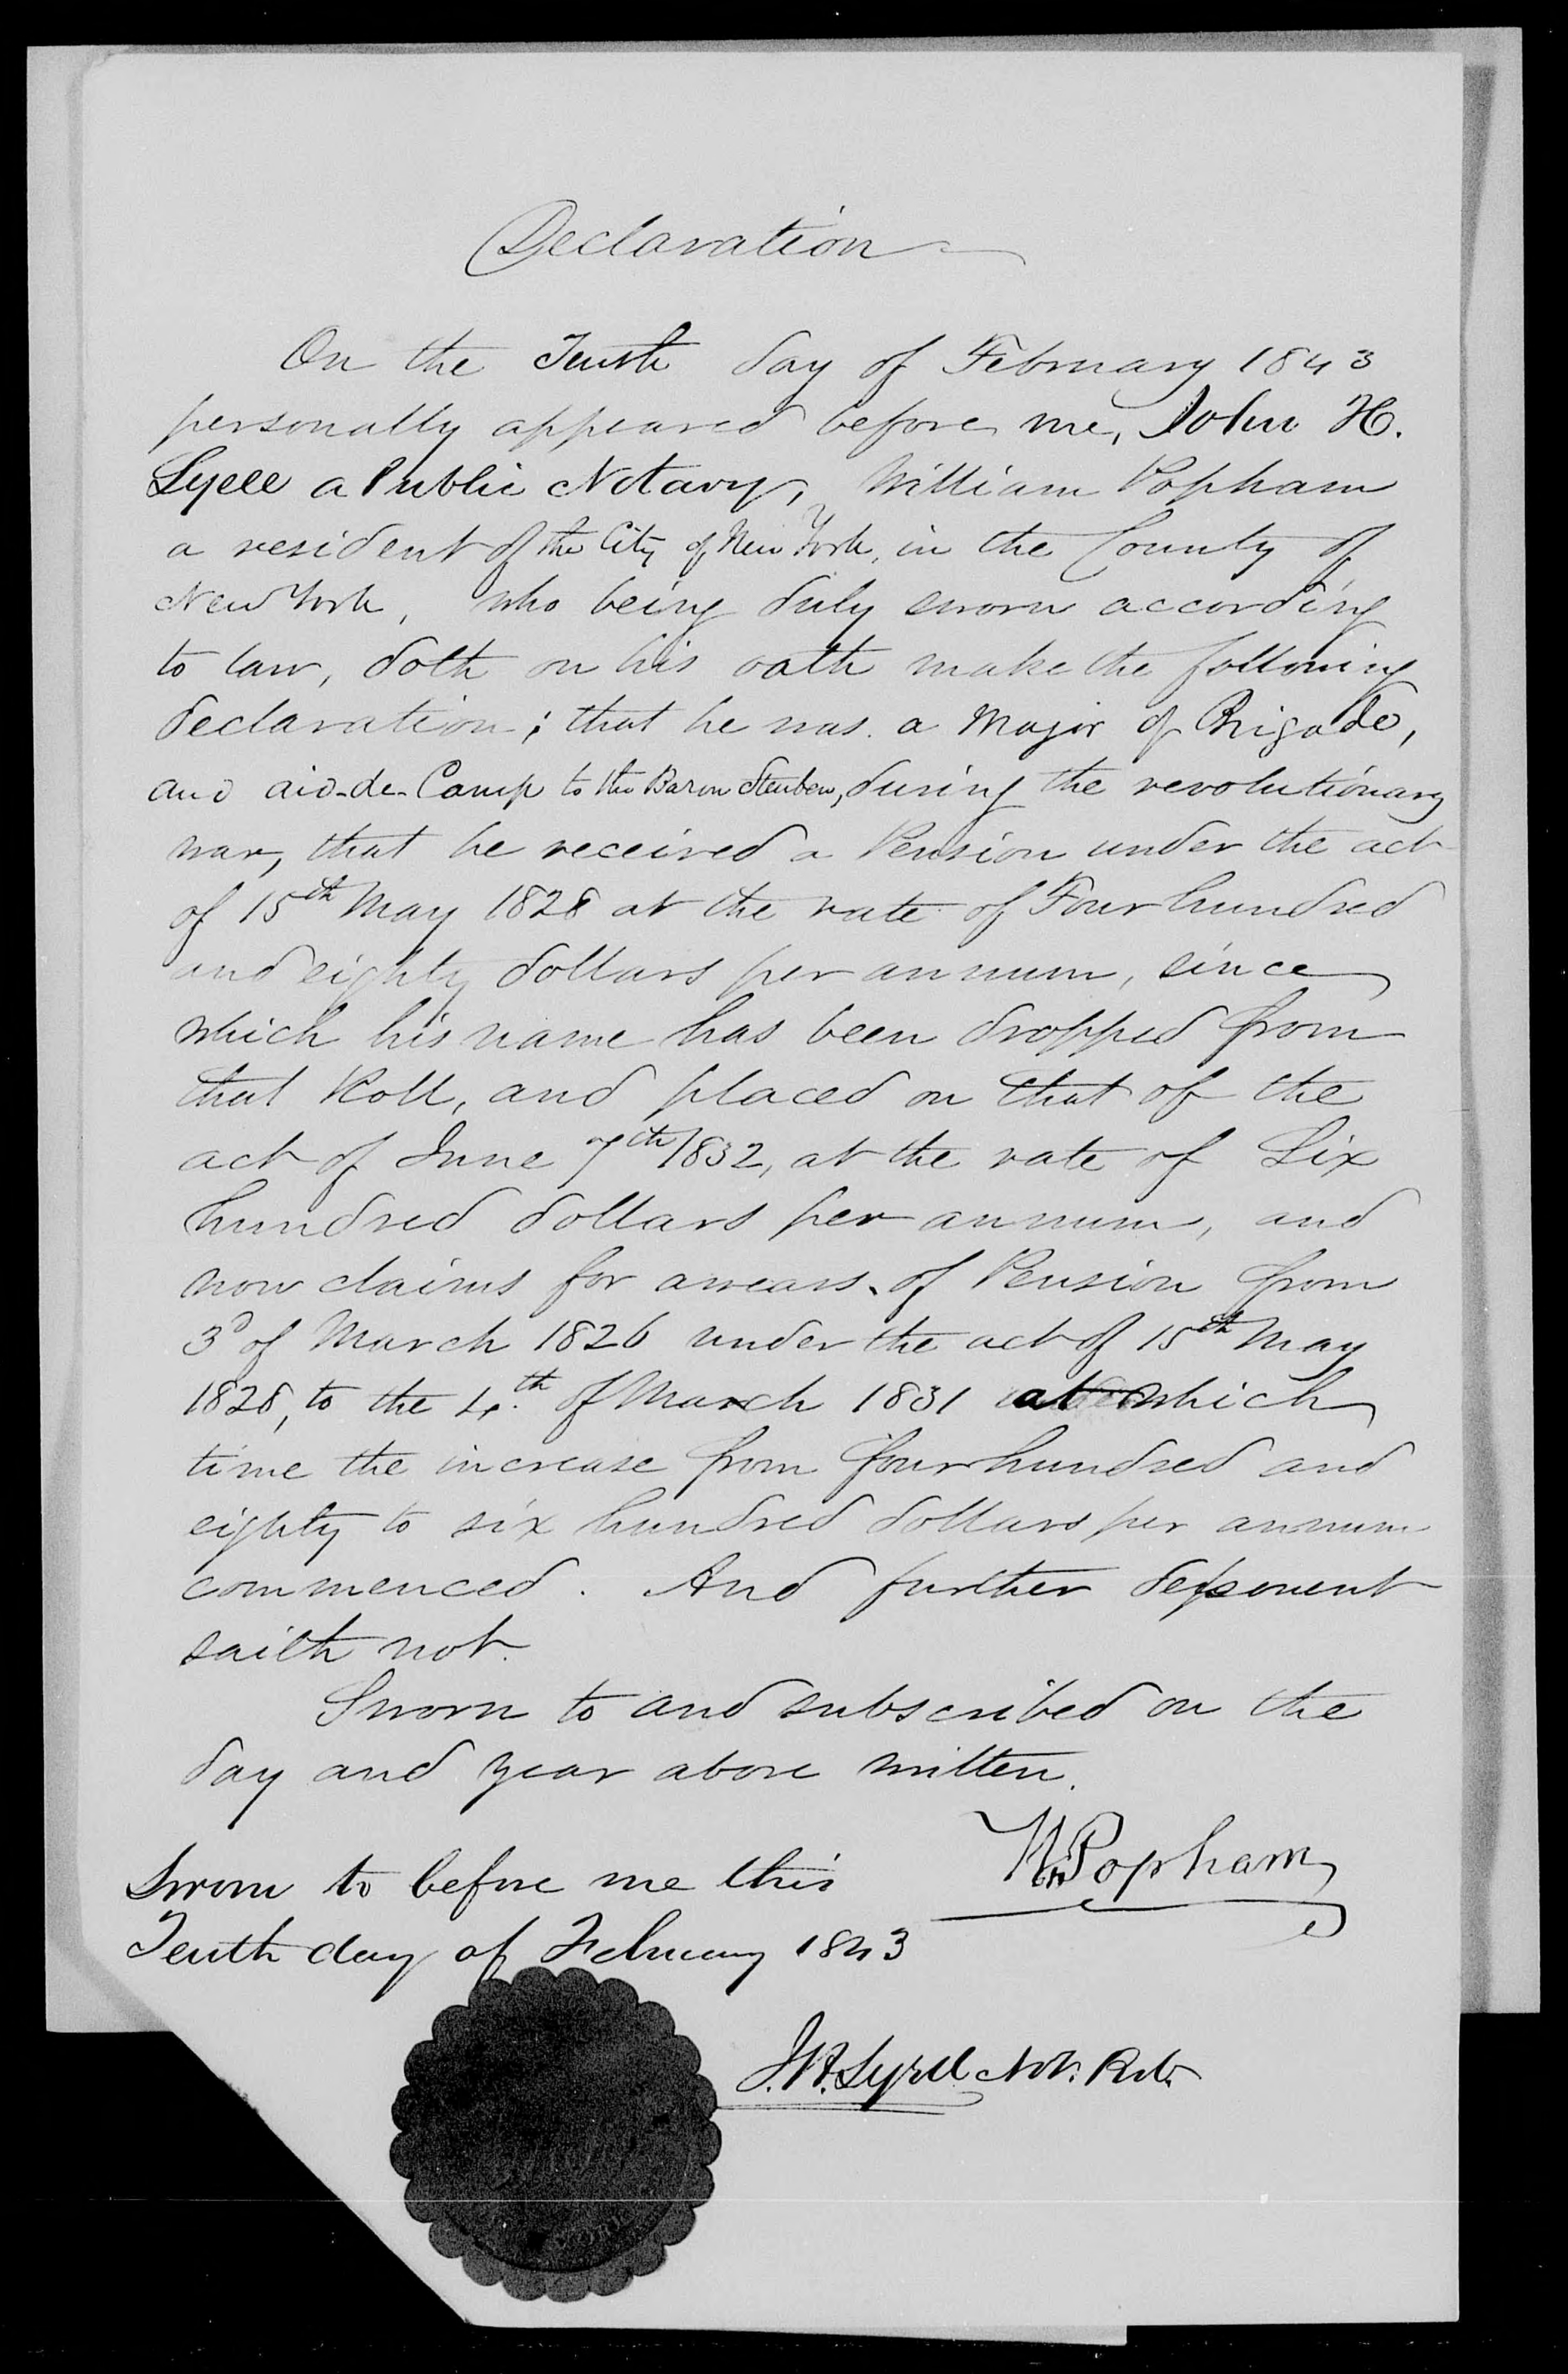[Centered] Declaration
On the Tenth day of February 1843
personally appeared before me, John H.
Lyell a Public Notary, William Popham
a resident of the City of New York, in the County of
New York
who being duly sworn according to
law, doth on his oath make the following
declaration; that he was a Major of Brigade,
and aid de Camp to the Baron Steuben, during the revolutionary war
, that he received a pension under the act
of 15th May 1828 at the rate of Four hundred
and eighty dollars per annum, since
which his name has been dropped from
that Roll, and placed on that of the
act of June 7th 1832, at the rate of Six
hundred dollars per annum, and
now claims for arrears of Pension from
3d of March 1826 under the act of 15th May
1828 to the 4th of March 1831 which
time the increase from four hundred and
eighty to six hundred dollars per annum
commenced. And further deponent
saith not.

Sworn to and subscribed on the
day and year above written
[Signature] Wm Popham
Sworn to before me this
Popham
Tenth day of February 1843
J.H. Lyell Not Rob.

[Illegible seal]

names: John H Lyell; William Popham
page: 4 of 75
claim: survivor's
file: S. 9989, for William Popham, Delaware